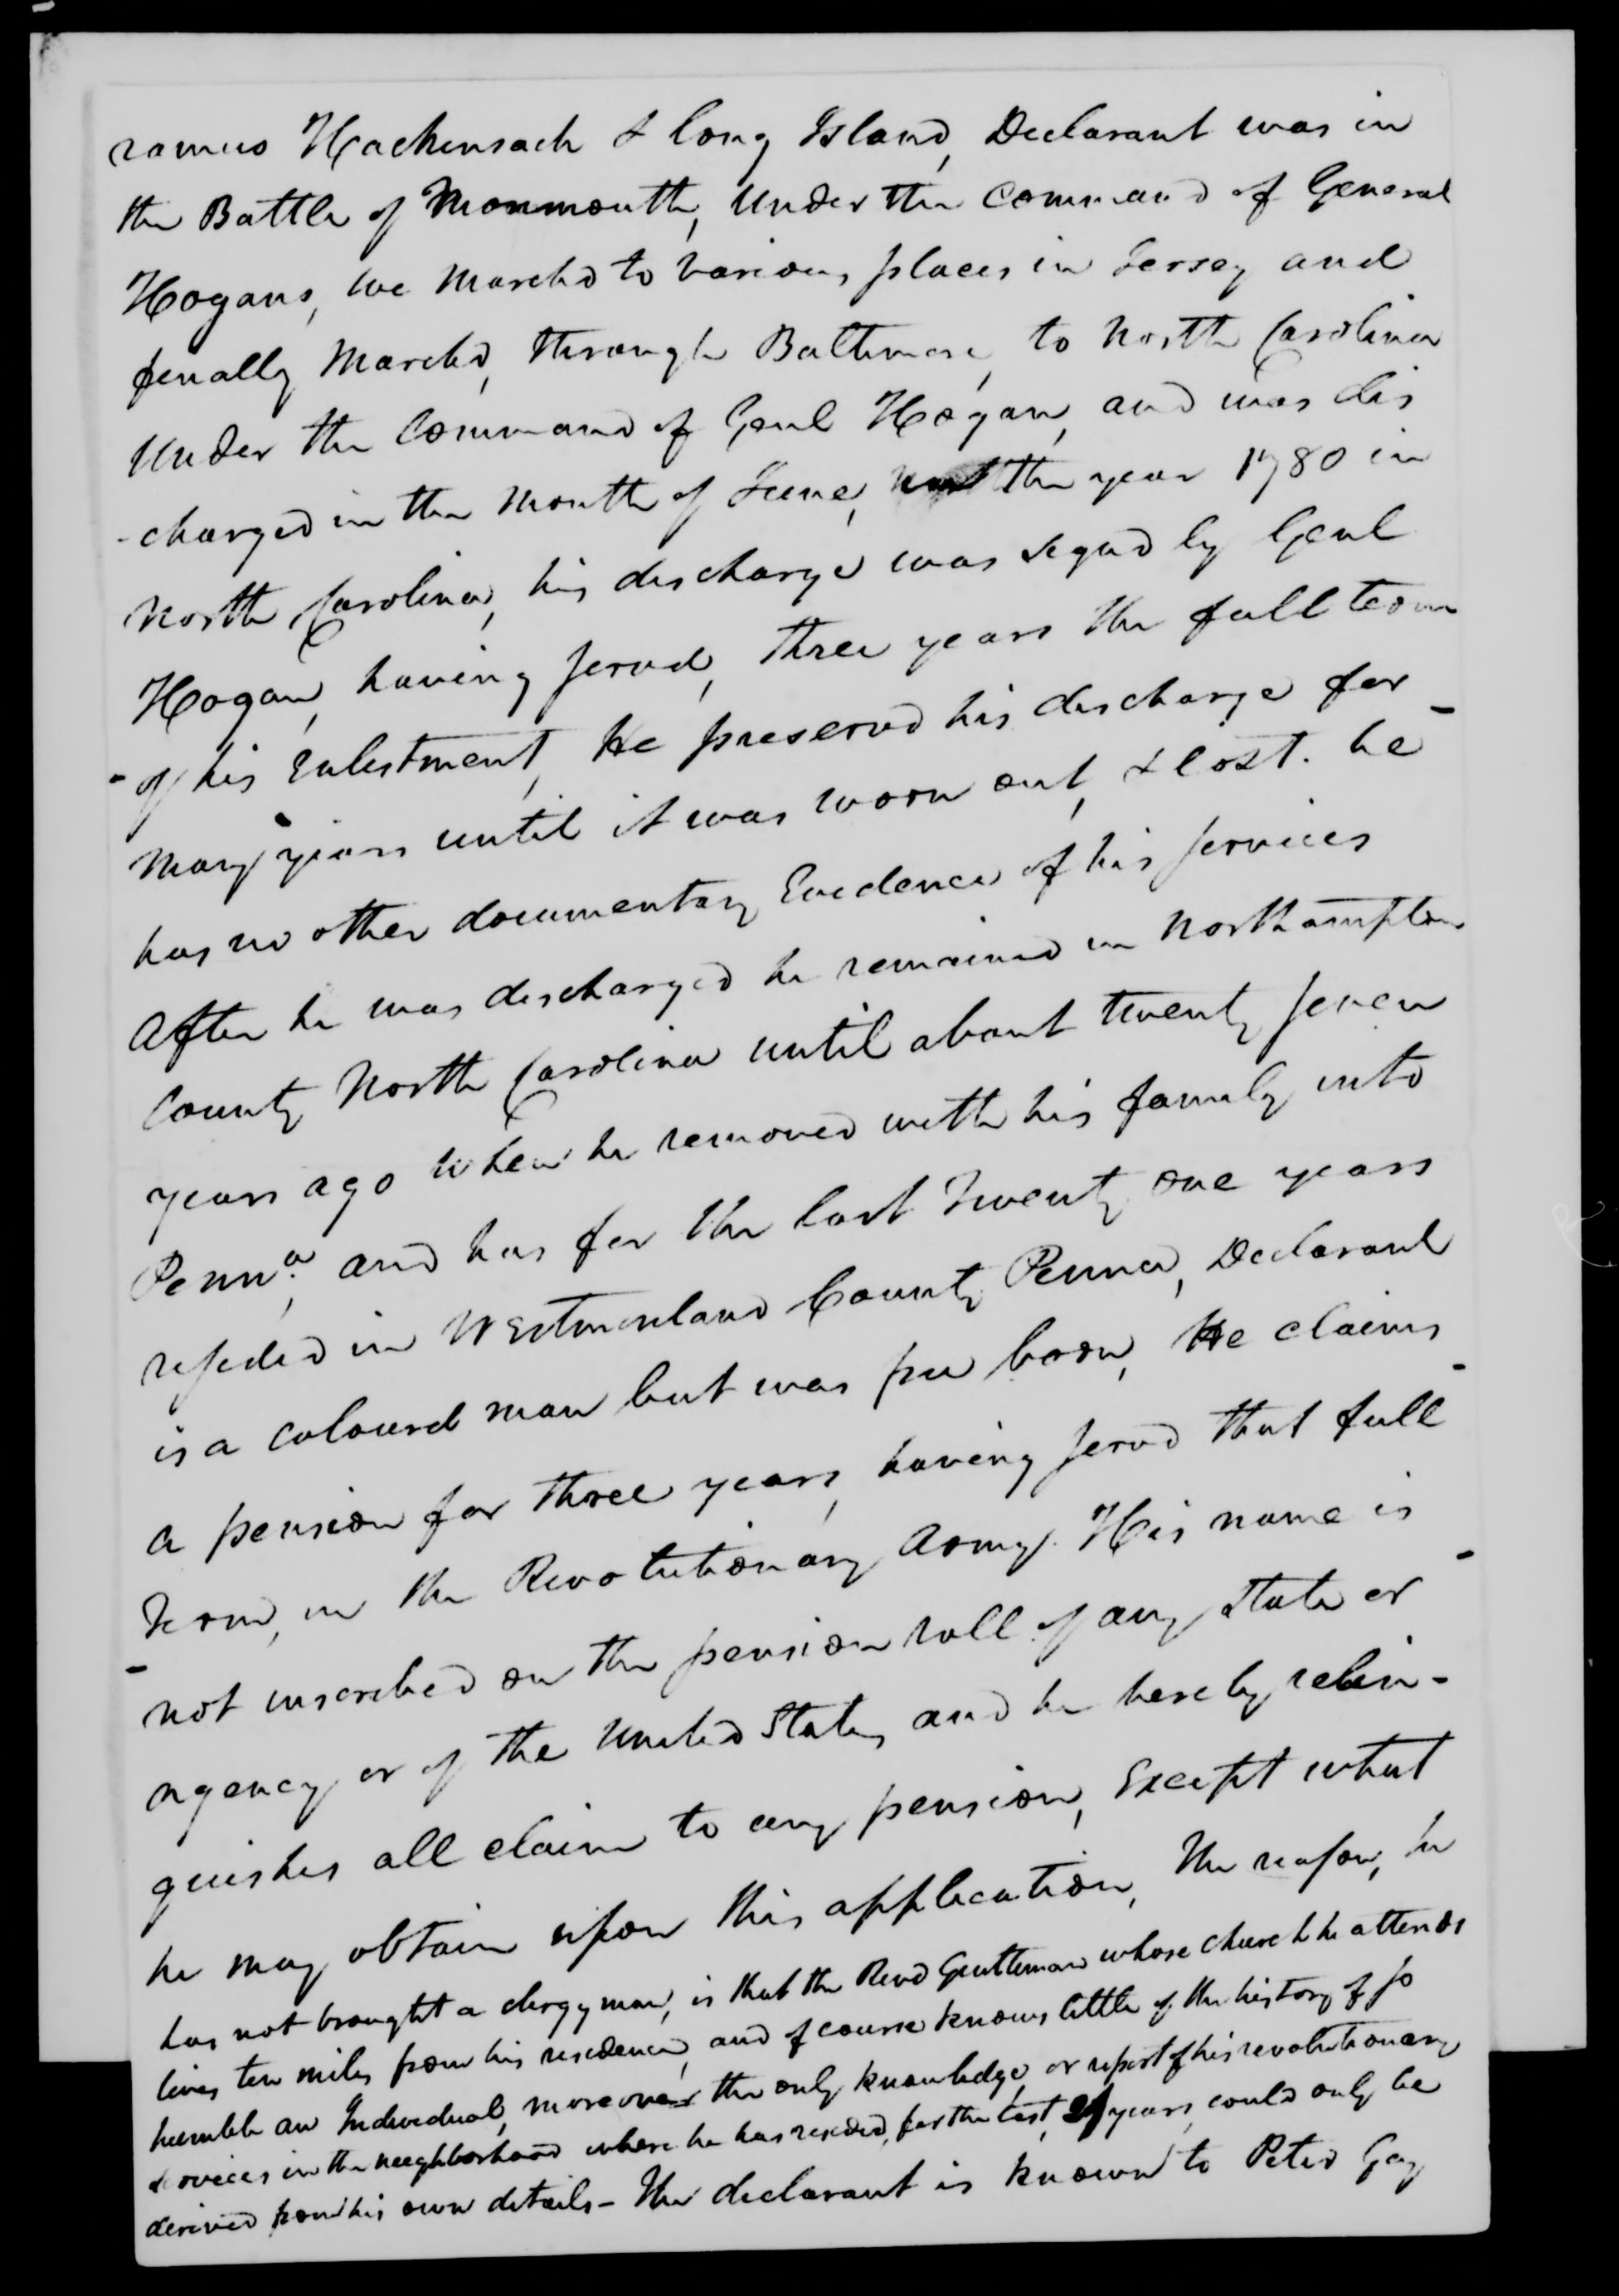James Hackensack & Long Island Declarant was in the Battle of Monmouth, under the command of General Hogan - we marched to various places in Jersey and finally marched through Baltimore to North Carolina under the command of Genl Hogan, and was discharged in the month of June in the year 1780 in North Carolina, his discharge was signed by Genl. Hogan, having served three years the full term of his enlistment. He preserved his discharge for many year until it was worn out and lost.  He has other documentary evidence of his services - after he was discharged he remained in Northampton County North Carolina until about twenty seven years ago when he removed with his family into Pennsylvania and was for the last twenty one years resided in Westmorland County Prince, Declarant
is a coloured man but was free born. He claims
a pension for three years having served
that full term in the Revolutionary Army. His name is not inscribed on the pension roll of any State of agency or of the United States, and he hereby relinquishes all claim to any pension except whathe may obtain upon this application
the aforesaid has not brought a clergyman in that Rev. Gutleman whose church he attends is ten miles from his residence, and of course knows little of the history [illegible] of an Individual - moreover the only knowledge or report of his revolutionary services in the neighborhood where he has resided, for the last 27 years year, could only be derived from his own details. The declarant is known to Peter Gay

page: 3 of 13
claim: rejected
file: R. 10,173, for William Stewart, North Carolina